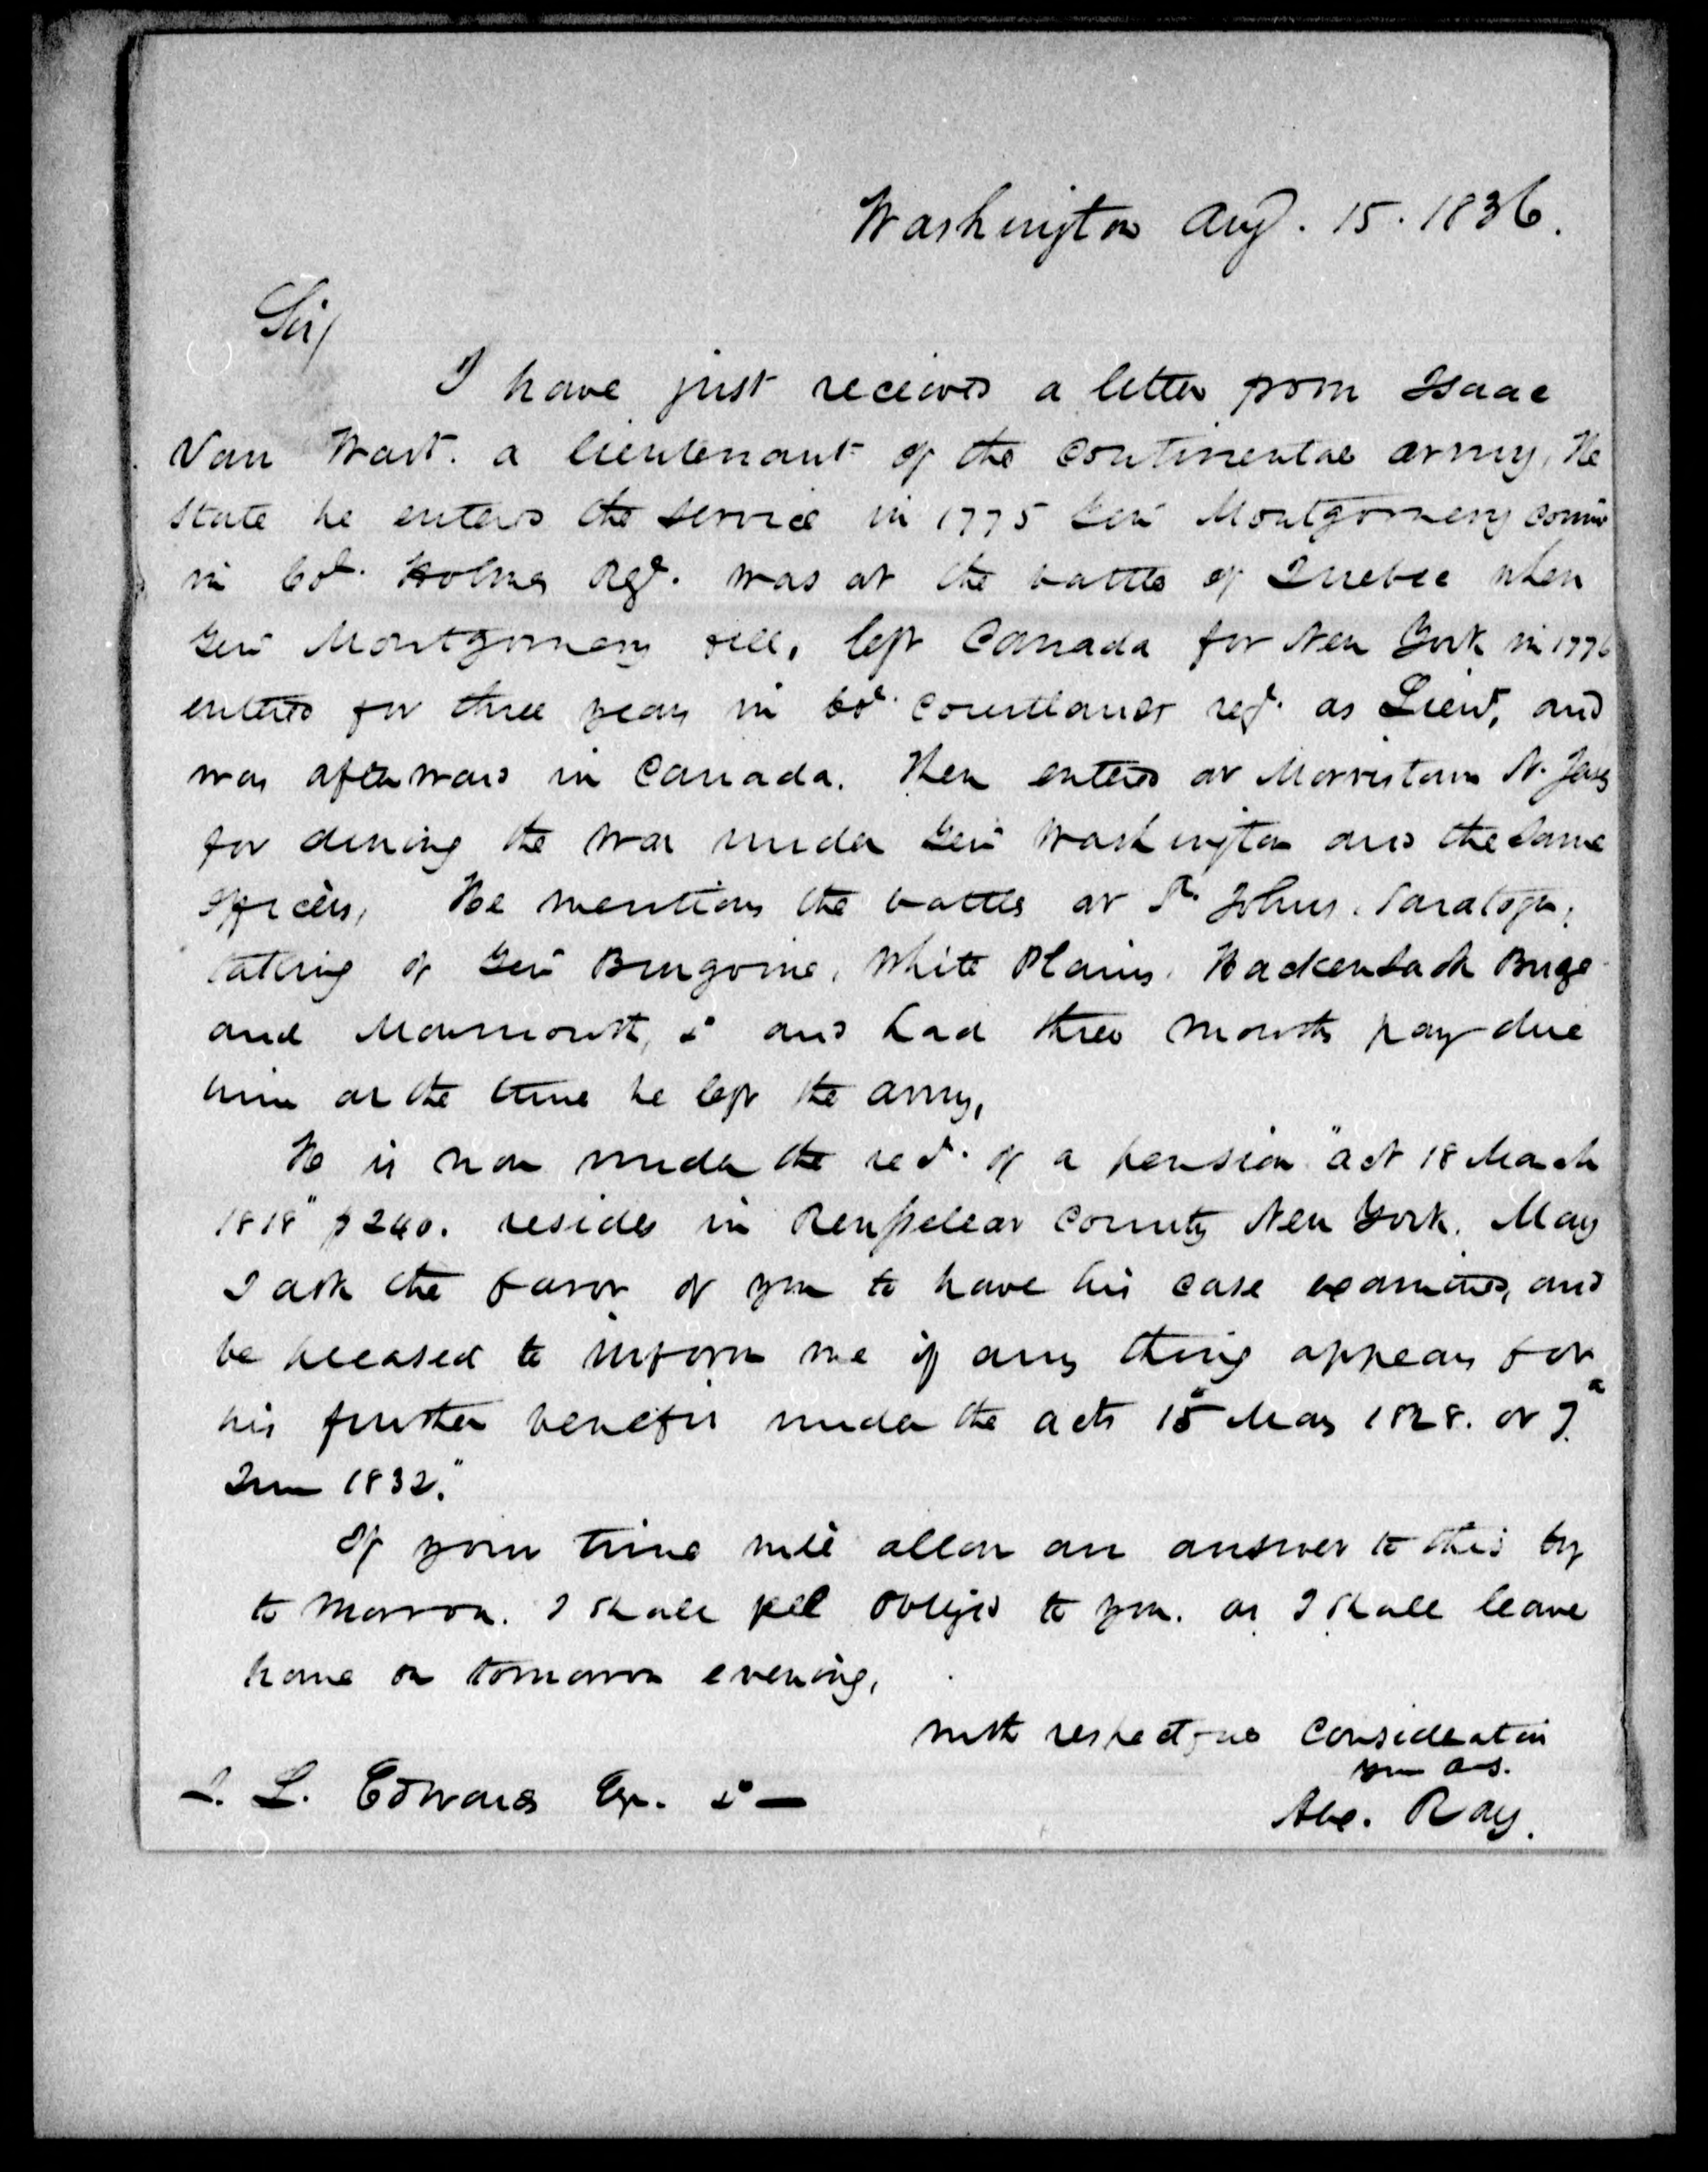Washington Aug. 15. 1836.
Sir,
I have just received a letter from Isaac Van Wart, a lieutenant of the continental army, he state entered the service in 1775 Gen Montgomery com in Col. Holmes Regt. was at the battle of Quebec when Gen Montgomery fell, left Canada for New York in 1776 enlisted for three years in Col Courtlandt regt. as Lieut, and was afterward in Canada. Then entered at Morristown N. Jersey for during the war under Gen Washington and the same officers. He mentions the battles at St Johns, Saratoga, taking of Gen Burgoine, White Plains, Hackensack Bridge and Monmouth,: and had three months pay due him at the time he left the army, 
He is now under the recd. of a pension “act 18 March 1818” $240. reside in Rensselaer County New York, May I ask the favor of you to have his case examined, and be pleased to inform me if any thing appears for his further benefit under the acts 15 Mar 1828 or 7 June 1832. 
If your time will allow an answer to this by to morrow, I shall feel obliged to you as I shall leave home on tomorrow evening 
with respects for consideration 
[illegible]
[signed] Alex. Ray 

J. L. Edwards Esq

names: Washington, J L Edwards, Isaac Van Wart, Alx Ray, Burgoine, Montgomery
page: 44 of 102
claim: widow's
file: W. 18239, Isaac Van Wart, New York